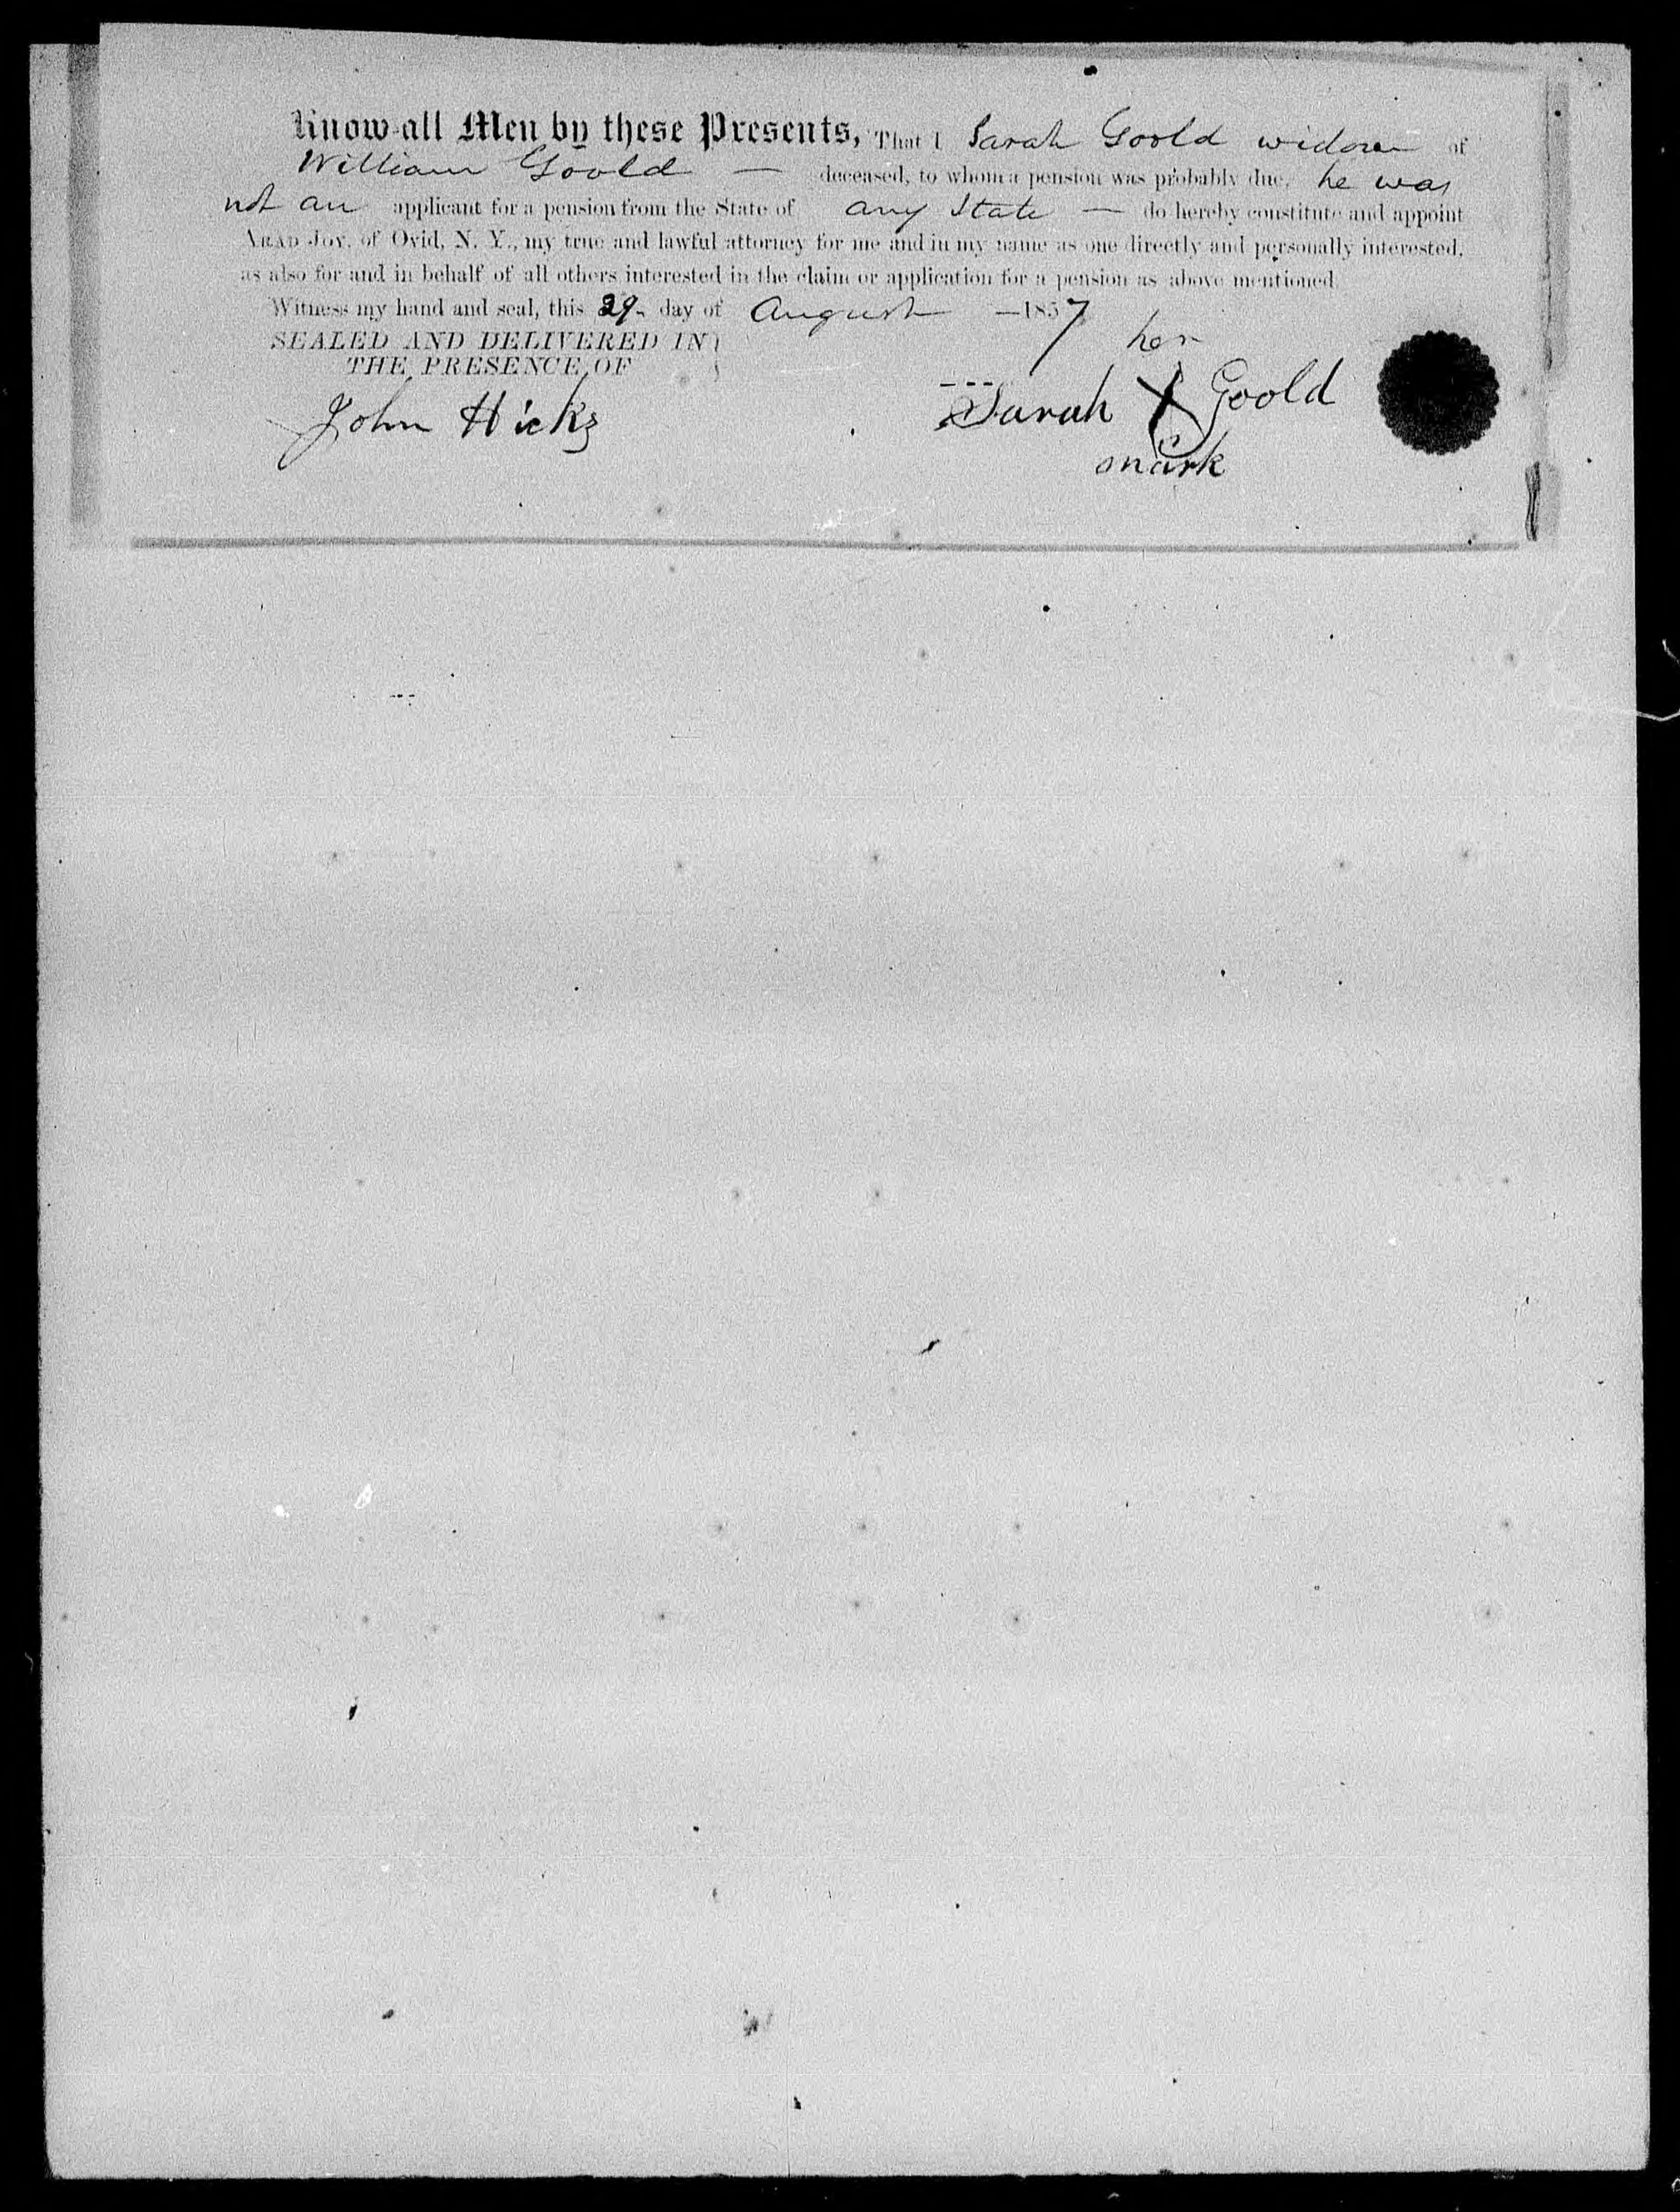Know all Men by these Presents That I Sarah Gould widow of William Gould- deceased, to whom a pension was probably due, he was not an applicant for a pension from the State of Any State - do hereby constitute and appoint Arad Joy, of Ovid, N.Y., my true and lawful attorney for me and in my name as one directly and personally interested as also for and in behalf of all others interested in the claim or application for a pension as above mentioned

Sarah Gould [her mark]

Witness my hand and seal, this 29 day of August 1857

SEALED AND DELIVERED IN THE PRESENCE OF
John Hicks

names: Sarah Goold, John Hicks, Sarah Goold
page: 14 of 20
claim: rejected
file: R. 4,161, William Gould, New York